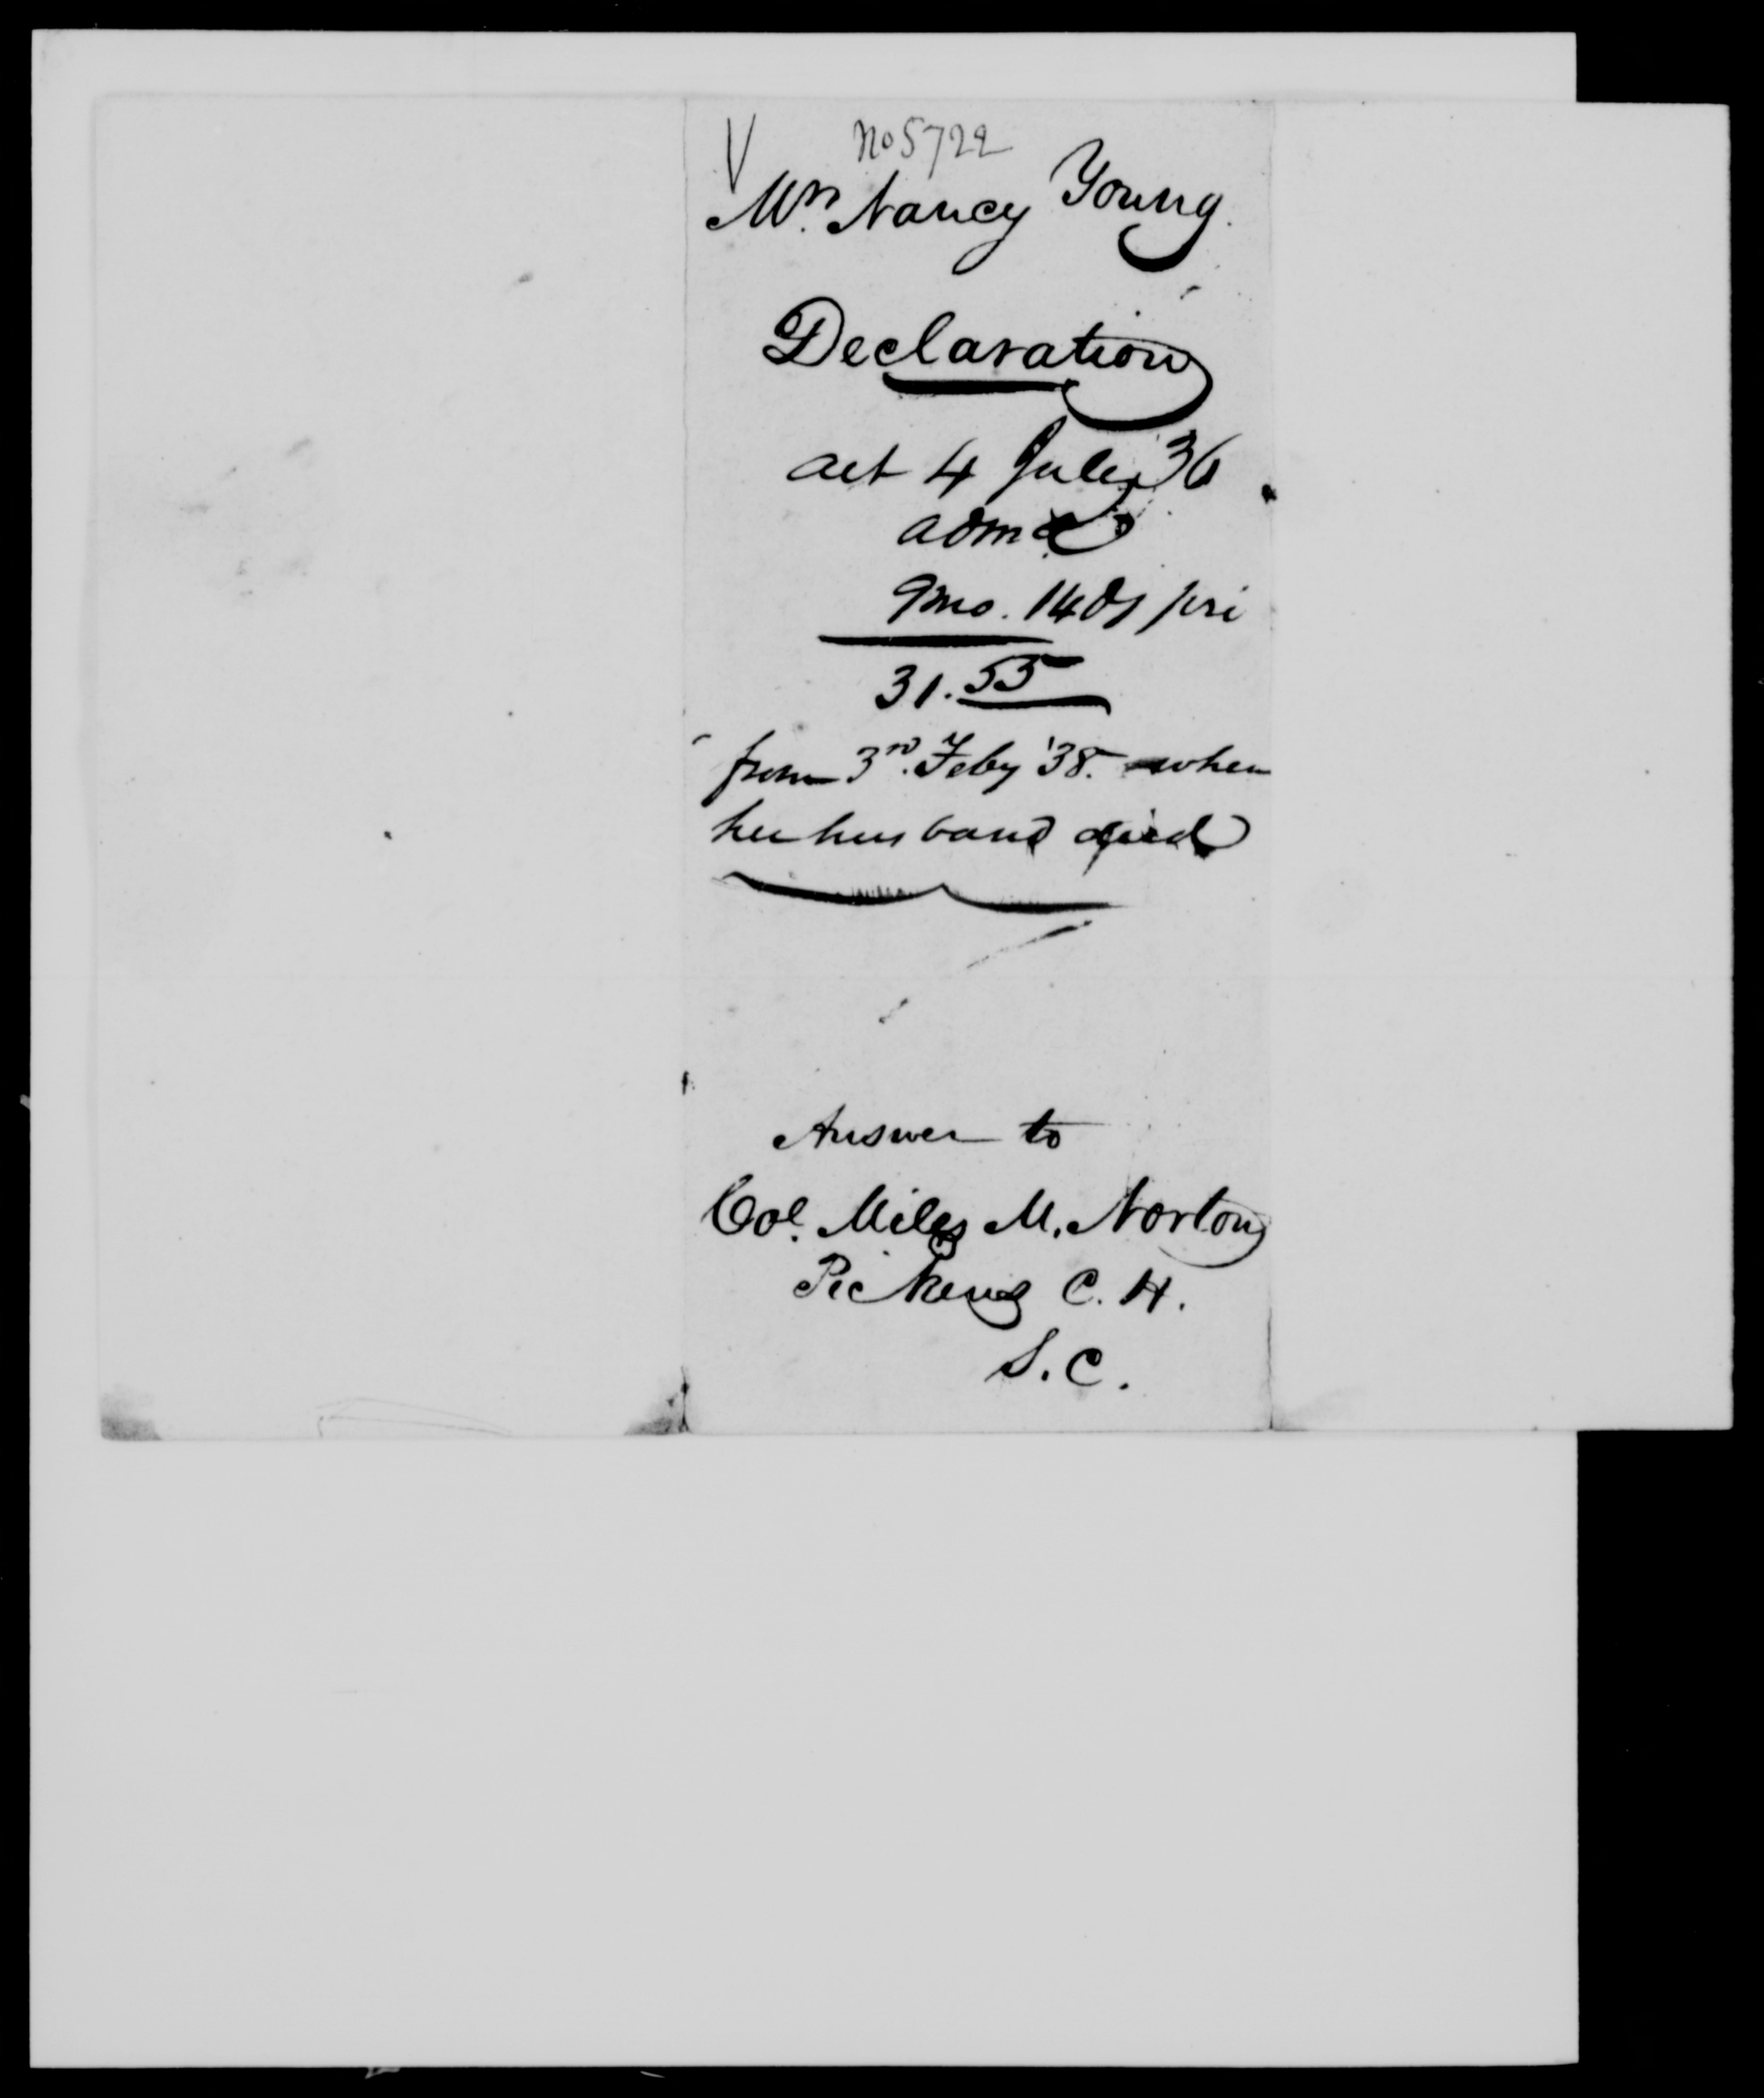V  No 5722

Mrs. Nancy Young
Declaration
Act 4 July 36 [1836]
admit
9 mo. 14 ds pri [9 months 14 days private]
31.55
from 3rd Feby [February] '38 [1838] when
her husband died

Answer to 
Col. Miles M. Norton
Pickens C.H. [Court House]
S.C. [South Carolina]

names: Nancy Young, Miles M Norton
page: 16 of 56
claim: widow's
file: W. 9040, Levi Young, Ga. New Jersey S.C.